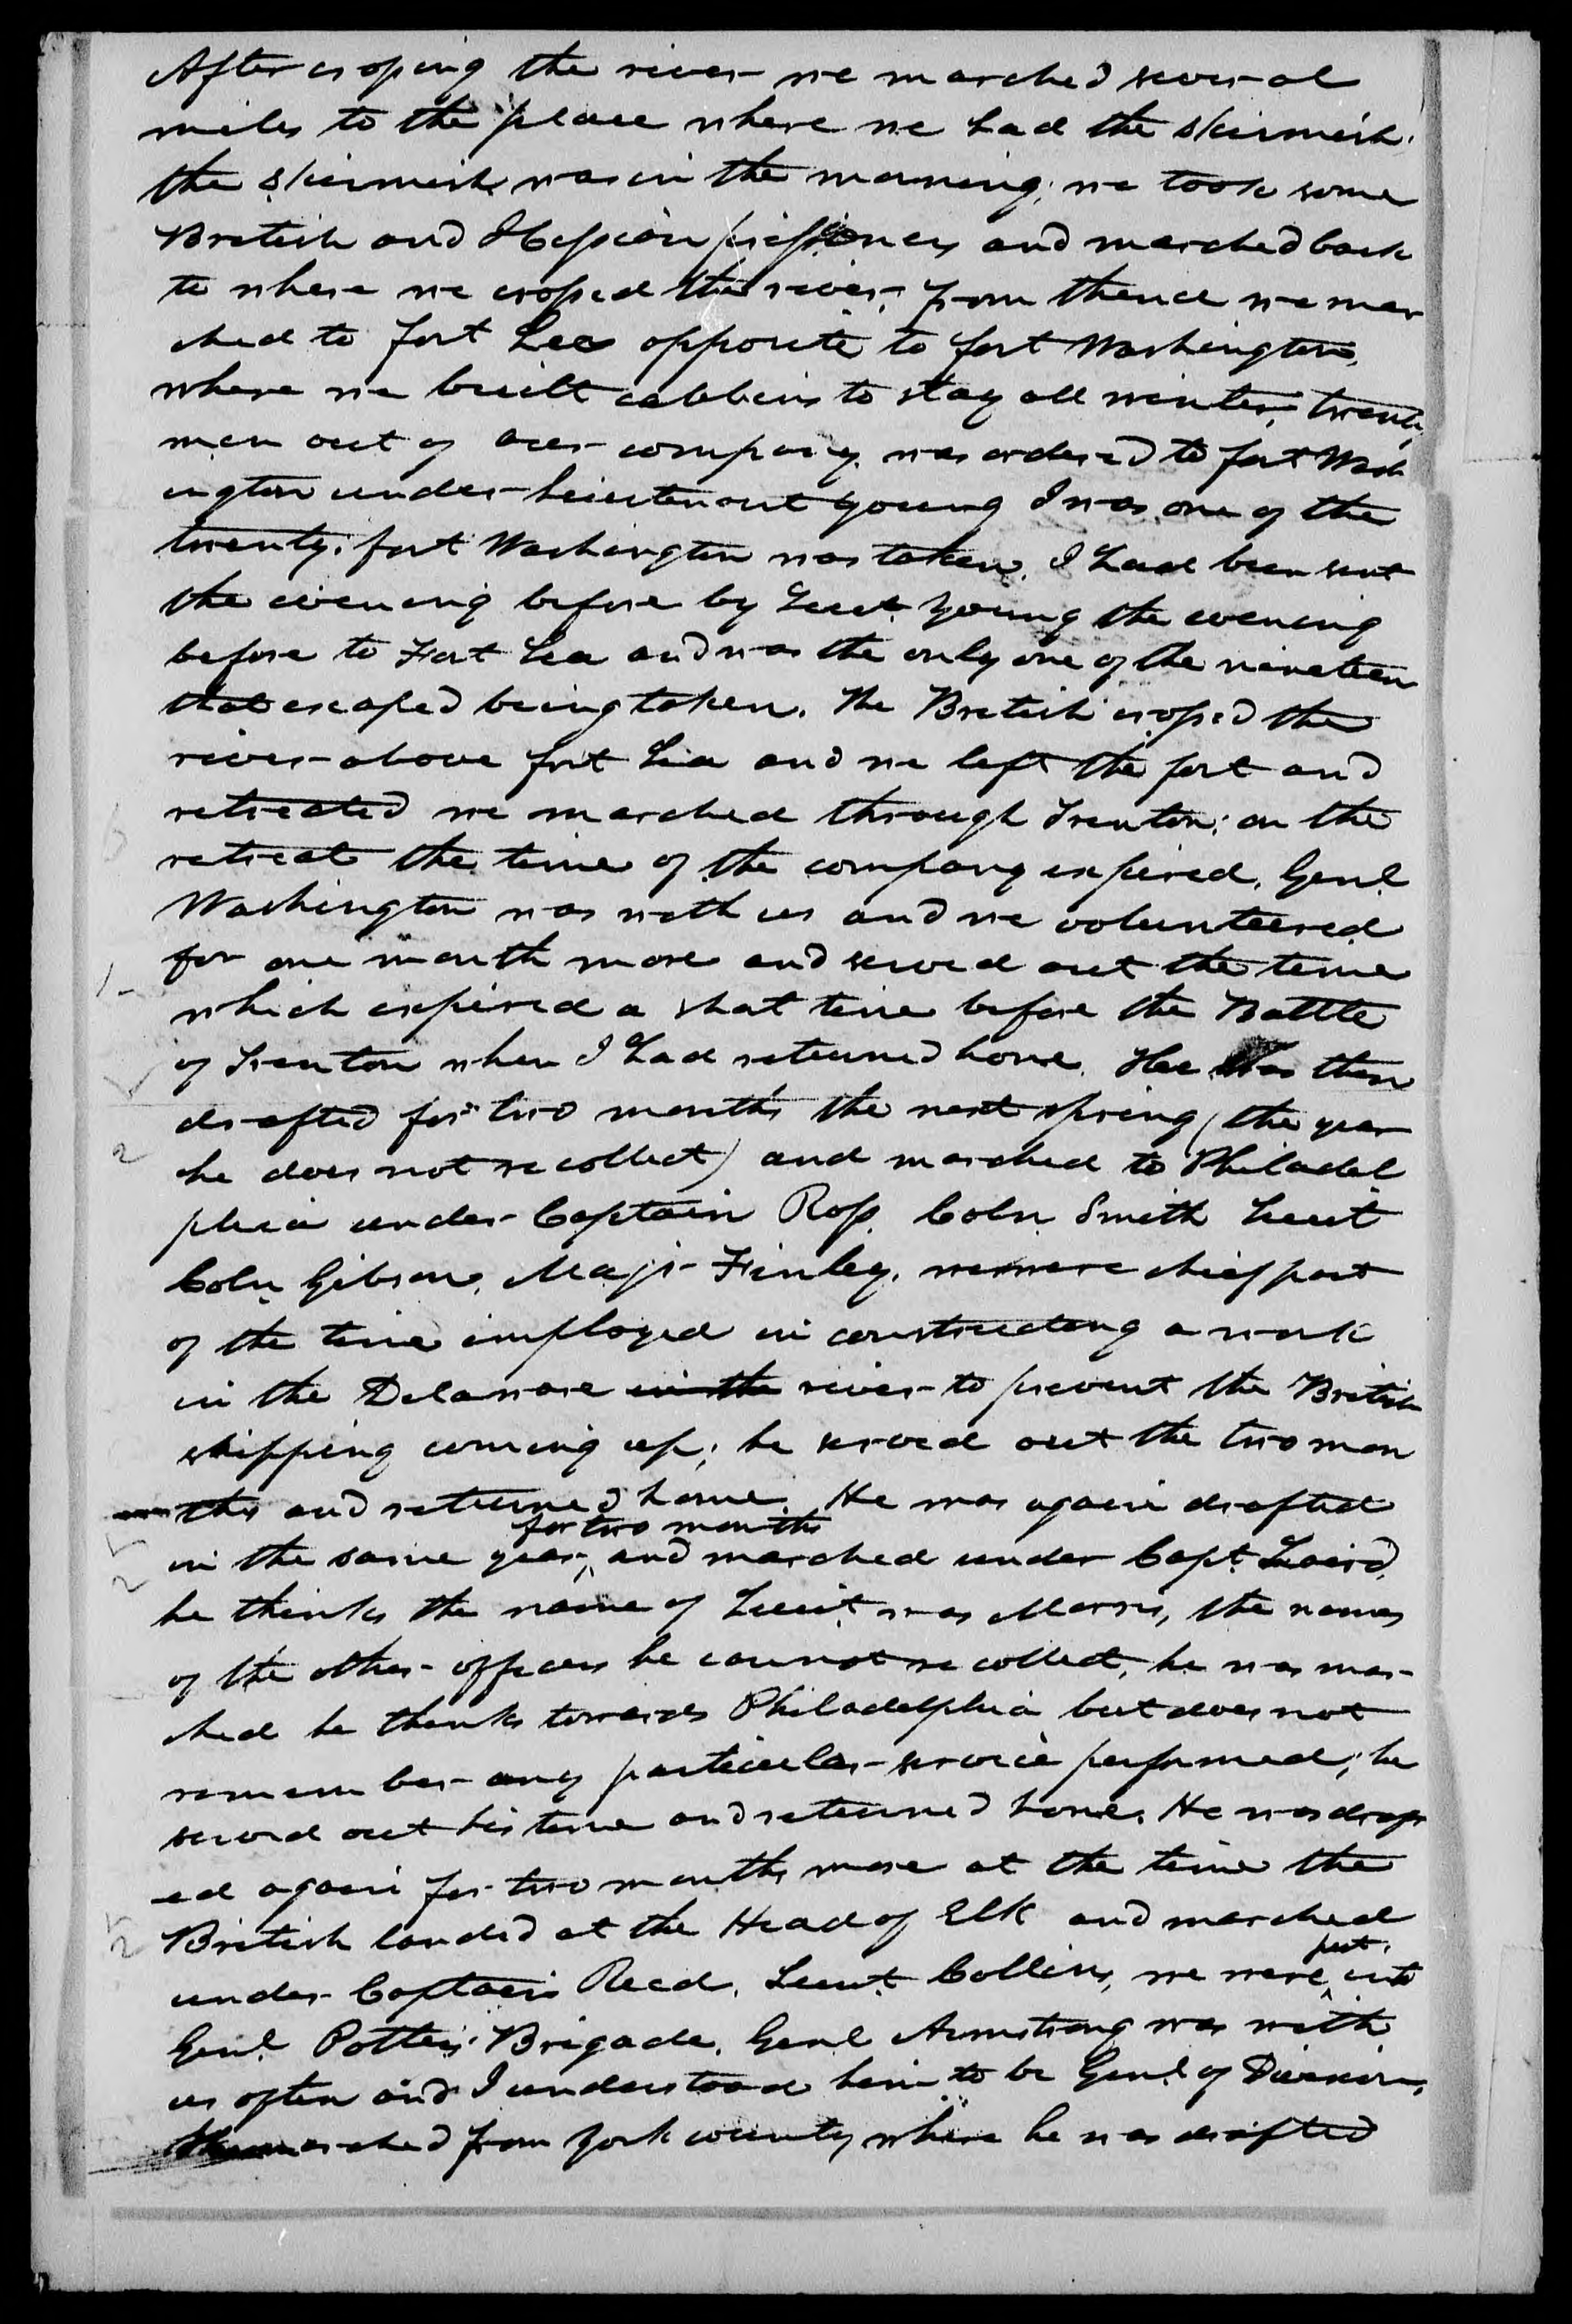After crossing the river we marched several
miles to the place where we had the skirmish.
the skirmish was in the morning; we took some
British and Hessian prisoners and marched back to
where we crossed the river. From thence we
marched to Fort Lee opposite to Fort Washington
where we built cabbins to stay all winter, twenty
men out of our company was ordered to Fort
Washington under Lieutenant Young. I was one of the
twenty. Fort Washington was taken. I had been sent
the evening before by Lieut. Young the evening
before to Fort Lee and was the only one of the nineteen
that escaped being taken. The British crossed the
river above Fort Lee and we left the fort and
retreated. We marched through Trenton; on the
retreat the time of the company expired. Genl
Washington was with us and we volunteered
for one month more and served out the time
which expired at that time before the Battle of
Trenton when I had returned home. He was then
drafted for two months the next spring (the year
he does not recollect) and marched to Philadelphia
under Captain Ross. Coln Smith, Lieut.
Coln Gibson, Major Finley, we were chief part
of the time employed in constructing a work
in the Delaware [crossed out]in the river to prevent the British 
shipping coming up. He served out the two months
and returned home. He was again drafted
in the same year for two months and marched under Capt Laird.
He thinks the name of Lieut was Morris, the names
of the other officers he cannot recollect. He was marched
he thinks towards Philadelphia but does not
remember any particular service performed. He
served out his time and returned home. He was drafted
again for two months more at the time the
British landed at the Head of Elk and marched
under Captain Reed, Lieut Collins. We were first in
Genl Potters Brigade. Genl Armstrong was with
us often and I understood him to be Genl of [Division?]
[illegible] marched from York county when he was drafted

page: 7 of 39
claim: survivor's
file: S. 2812, for David Mc Kinley, Pennsylvania